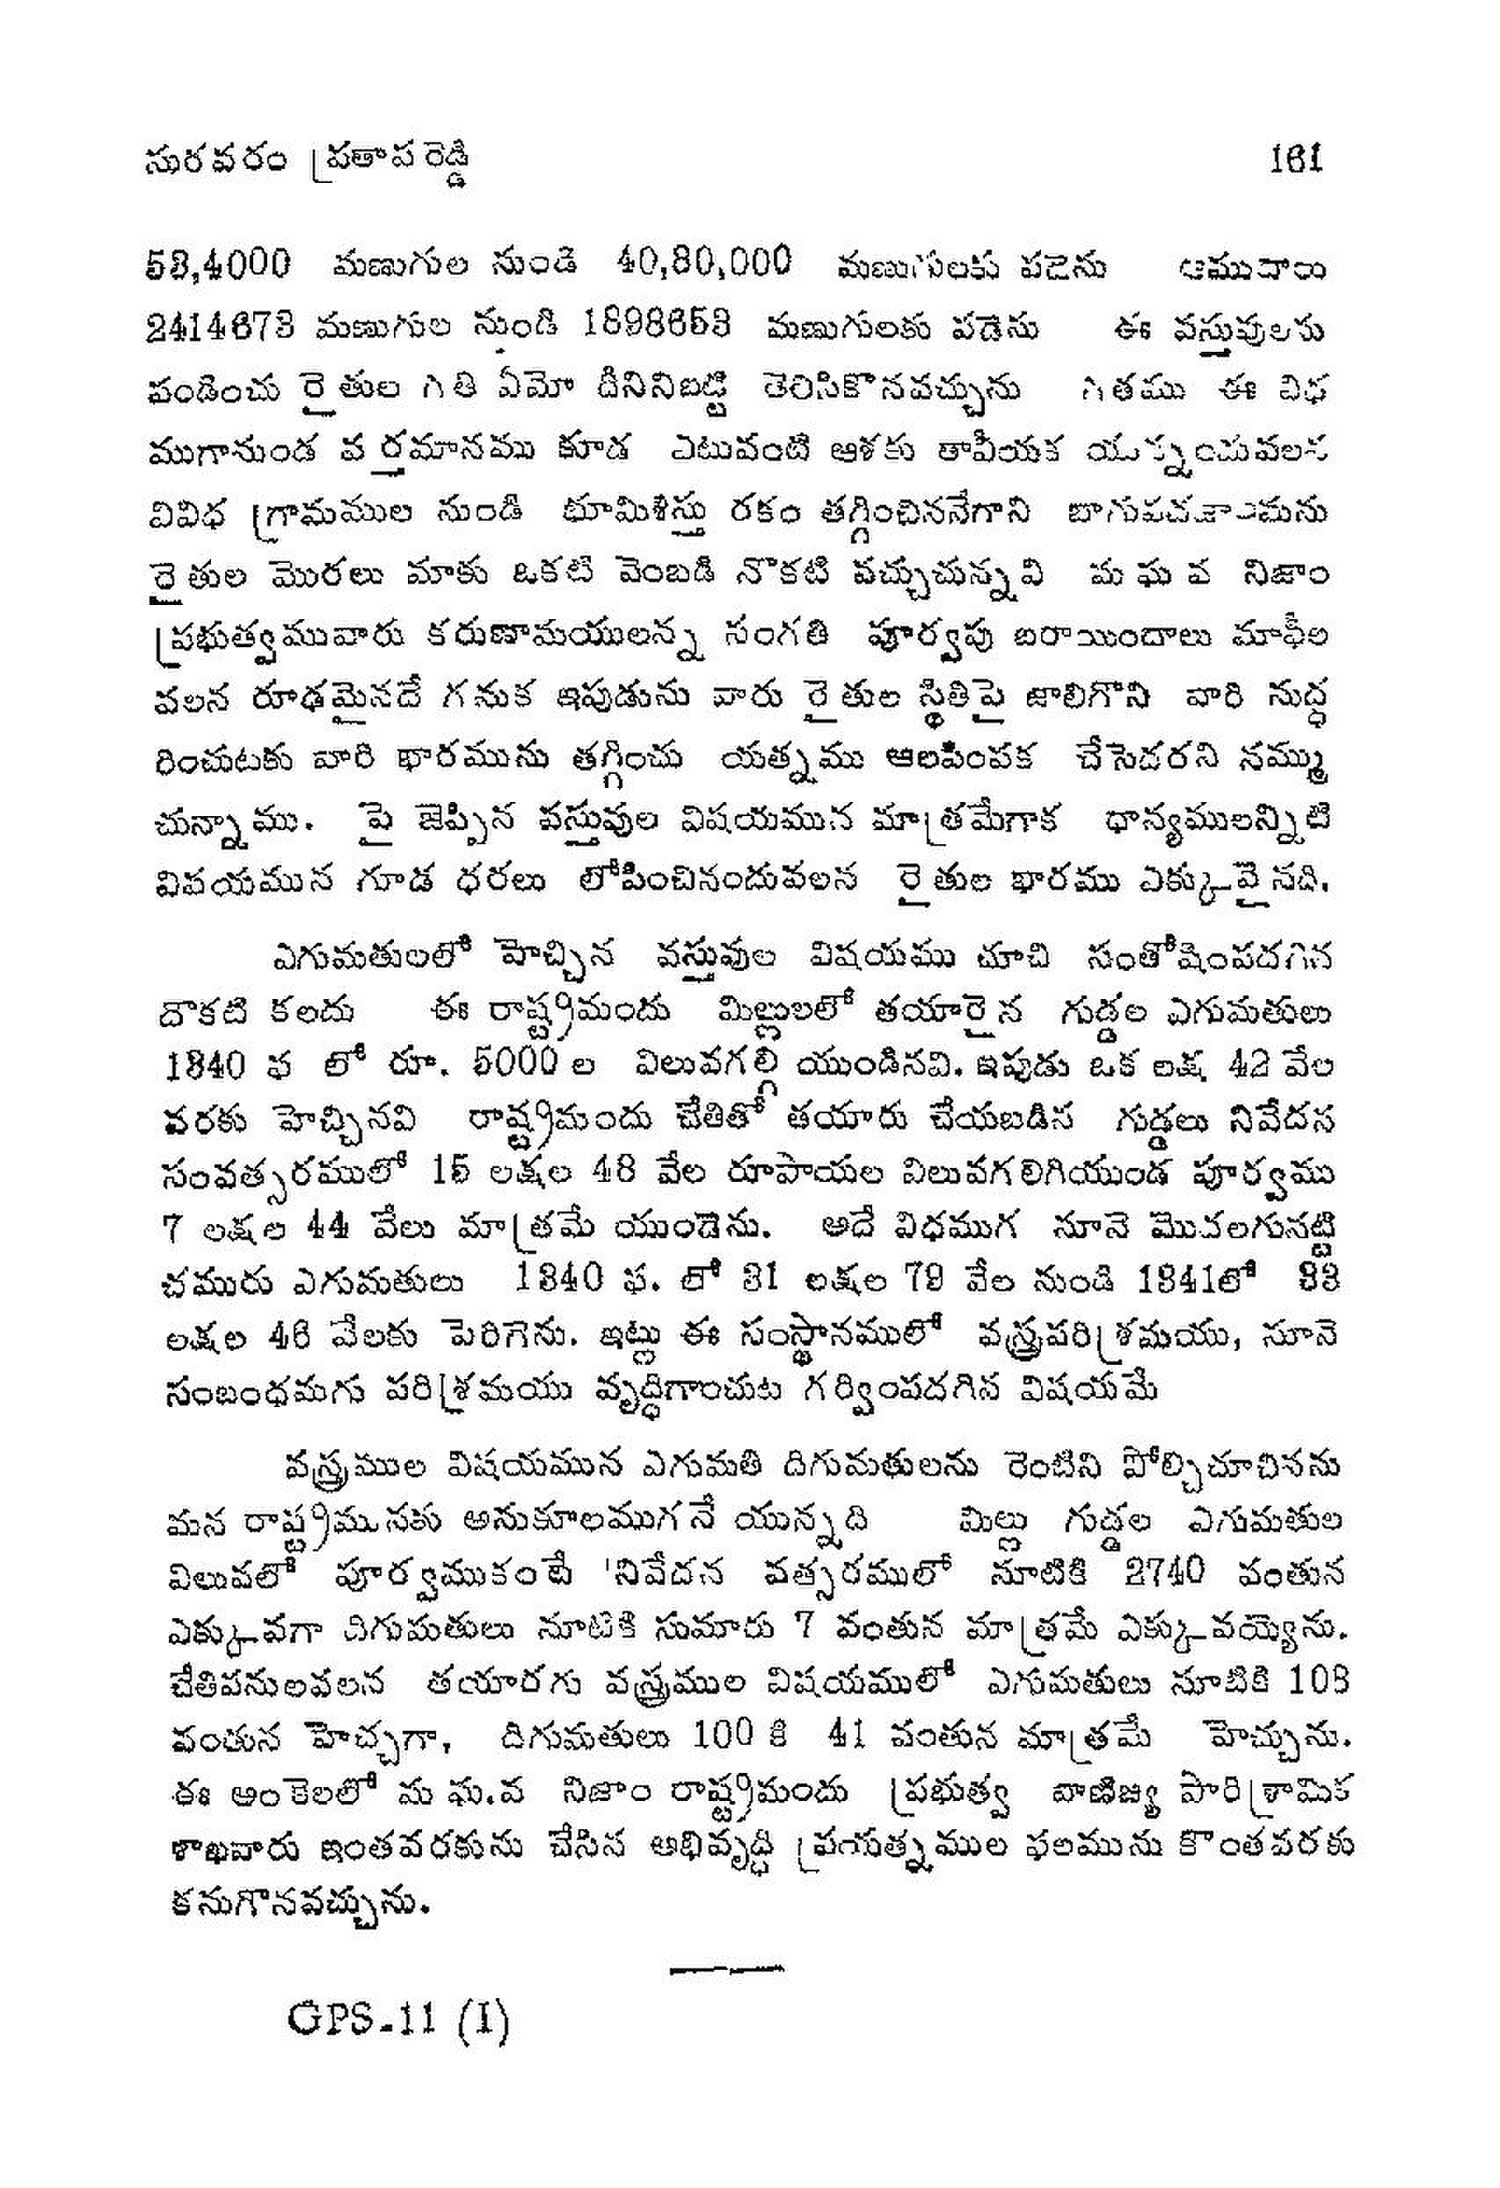53,4000 మణుగుల నుండి 40,80,000 మణుగులకు పడెను ఆముదాలు 2414673 మణుగుల నుండి 1898653 మణుగులకు పడెను ఈ వస్తువులను పండించు రైతుల గతి ఏమో దీనినిబట్టి తెలిసికొనవచ్చును గతము ఈ విధముగానుండ వర్తమానము కూడ ఎటువంటి ఆశకు తావీయక యున్నందువలన వివిధ గ్రామముల నుండి భూమిశిస్తు రకం తగ్గించిననేగాని బాగుపడజాలమను రైతుల మొరలు మాకు ఒకటి వెంబడి నొకటి వచ్చుచున్నవి మ ఘ వ నిజాం ప్రభుత్వమువారు కరుణామయులన్న సంగతి పూర్వపు బరాయిందాలు మాఫీల వలన రూఢమైనదే గనుక ఇపుడును వారు రైతుల స్థితిపై జాలిగొని వారి నుద్ధరించుటకు వారి భారమును తగ్గించు యత్నము ఆలపింపక చేసెదరని నమ్ముచున్నాము. పై జెప్పిన వస్తువుల విషయమున మాత్రమేగాక ధాన్యములన్నిటి
విషయమున గూడ ధరలు లోపించినందువలన రైతుల భారము ఎక్కువైనది.

ఎగుమతులలో హెచ్చిన వస్తువుల విషయము చూచి సంతోషింపదగిన దొకటి కలదు ఈ రాష్ట్రమందు మిల్లులలో తయారైన గుడ్డల ఎగుమతులు 1340 ఫ లో రూ. 5000 ల విలువగల్గి యుండినవి. ఇప్పుడు ఒక లక్ష 42 వేల వరకు హెచ్చినవి రాష్ట్రమందు చేతితో తయారు చేయబడిన గుడ్డలు నివేదన సంవత్సరములో 15 లక్షల 48 వేల రూపాయల విలువగలిగియుండ పూర్వము 7 లక్షల 44 వేలు మాత్రమే యుండెను. అదే విధముగ నూనె మొదలగునట్టి చమురు ఎగుమతులు 1340 ఫ. లో 31 లక్షల 79 వేల నుండి 1341లో 33 లక్షల 46 వేలకు పెరిగెను. ఇట్లు ఈ సంస్థానములో వస్త్రపరిశ్రమయు, నూనె సంబంధమగు పరిశ్రమయు వృద్ధిగాంచుట గర్వించదగిన విషయమే

వస్త్రముల విషయమున ఎగుమతి దిగుమతులను రెంటిని పోల్చిచూచినను మన రాష్ట్రమునకు అనుకూలముగనే యున్నది మిల్లు గుడ్డల ఎగుమతుల విలువలో పూర్వముకంటే 'నివేదన వత్సరములో నూటికి 2740 వంతున
ఎక్కువగా దిగుమతులు నూటికి సుమారు 7 వంతున మాత్రమే ఎక్కువయ్యెను. చేతిపనులవలన తయారగు వస్త్రముల విషయములో ఎగుమతులు నూటికి 108 వంతున హెచ్చగా, దిగుమతులు 100 కి 41 వంతున మాత్రమే హెచ్చును. ఈ అంకెలలో మ. ఘ. వ నిజాం రాష్ట్రమందు ప్రభుత్వ వాణిజ్య పారిశ్రామిక శాఖవారు ఇంతవరకును చేసిన అభివృద్ది ప్రయత్నముల ఫలమును కొంతవరకు కనుగొనవచ్చును.